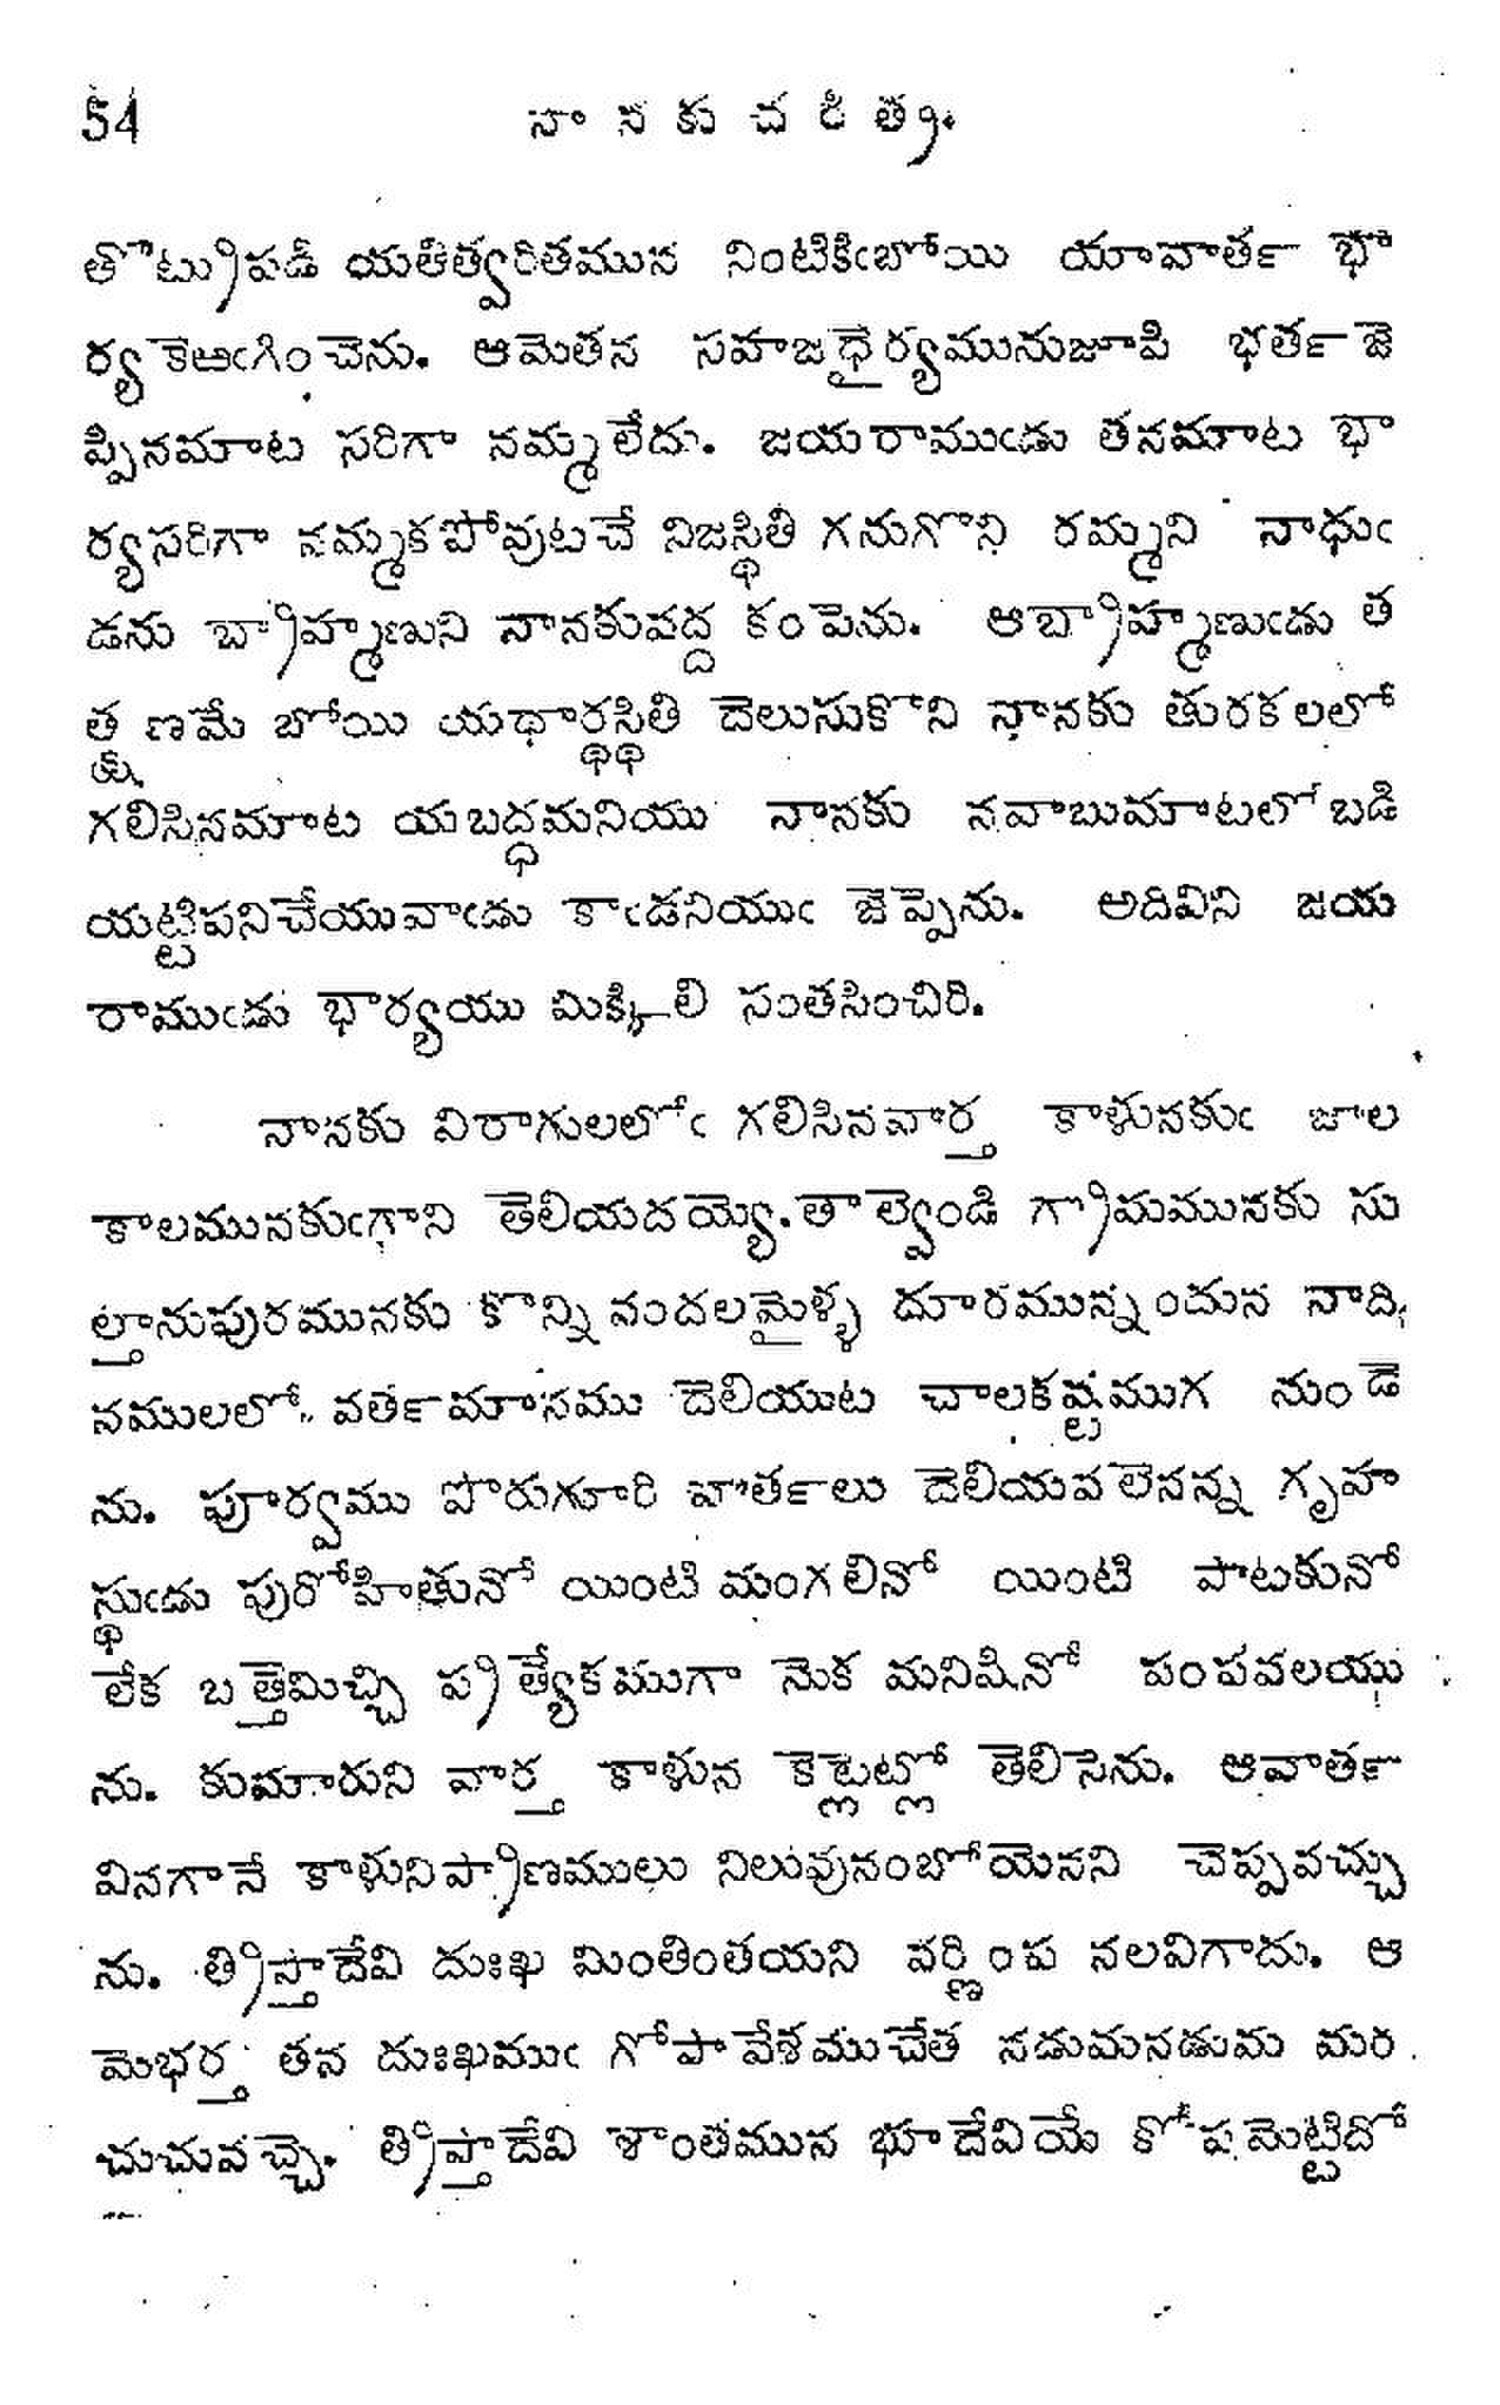తొట్రుపడి యతిత్వరితమున నింటికిబోయి యావాతన్ బార్యకెఱగించెను. ఆమెతన సహజధైర్యమునుజూపి భతన్‌జెప్పినమాట సరిగా నమ్మలేదు. జయరాముడు తనమాట భార్యసరిగా నమ్మకపోవుటచే నిజస్థితి గనుగొని రమ్మని నాధుడను బ్రాహ్మణుని నానకువద్ద కంపెను. ఆబ్రాహ్మణుడు తక్షణమే బోయి యధార్థస్థితి దెలుసుకొని నానకు తురకలలో గలిసినమాట యబద్ధమనియు నానకు నవాబుమాటలోబడి యట్టిపనిచేయువాడు కాడనియు జెప్పెను. అదివిని జయరాముడు భార్యయు మిక్కిలి సంతసించిరి.

నానకు విరాగులలో గలిసినవార్త కాళునకు జాలకాలమునకుగాని తెలియదయ్యె. తాల్వెండి గ్రామమునకు సుల్తానుపురమునకు కొన్నివందలమైళ్ళ దూరమున్నందున నాదినములలో వతన్‌మానము దెలియుట చాలకష్టముగ నుండెను. పూర్వము పొరుగూరి వాతన్‌లు దెలియవలెనన్న గృహస్థుడు పురోహితునో యింటి మంగలినో యింటి పాటకునో లేక బత్తెమిచ్చి ప్రత్యేకముగా నొక మనిషినో పంపవలయును. కుమారుని వార్త కాళున కెట్లెట్లో తెలిసెను. ఆవాతన్ వినగానే కాళునిప్రాణములు నిలువునంబోయెనని చెప్పవచ్చును. త్రిస్తాదేవి దు:ఖ మింతింతయని వర్ణింప నలవిగాదు. ఆమెభర్త తన దు:ఖము గోపావేశముచేత నడుమనడుమ మరచుచువచ్చె. త్రిప్తాదేవి శాంతమున భూదేవియే కోపమెట్టిదో